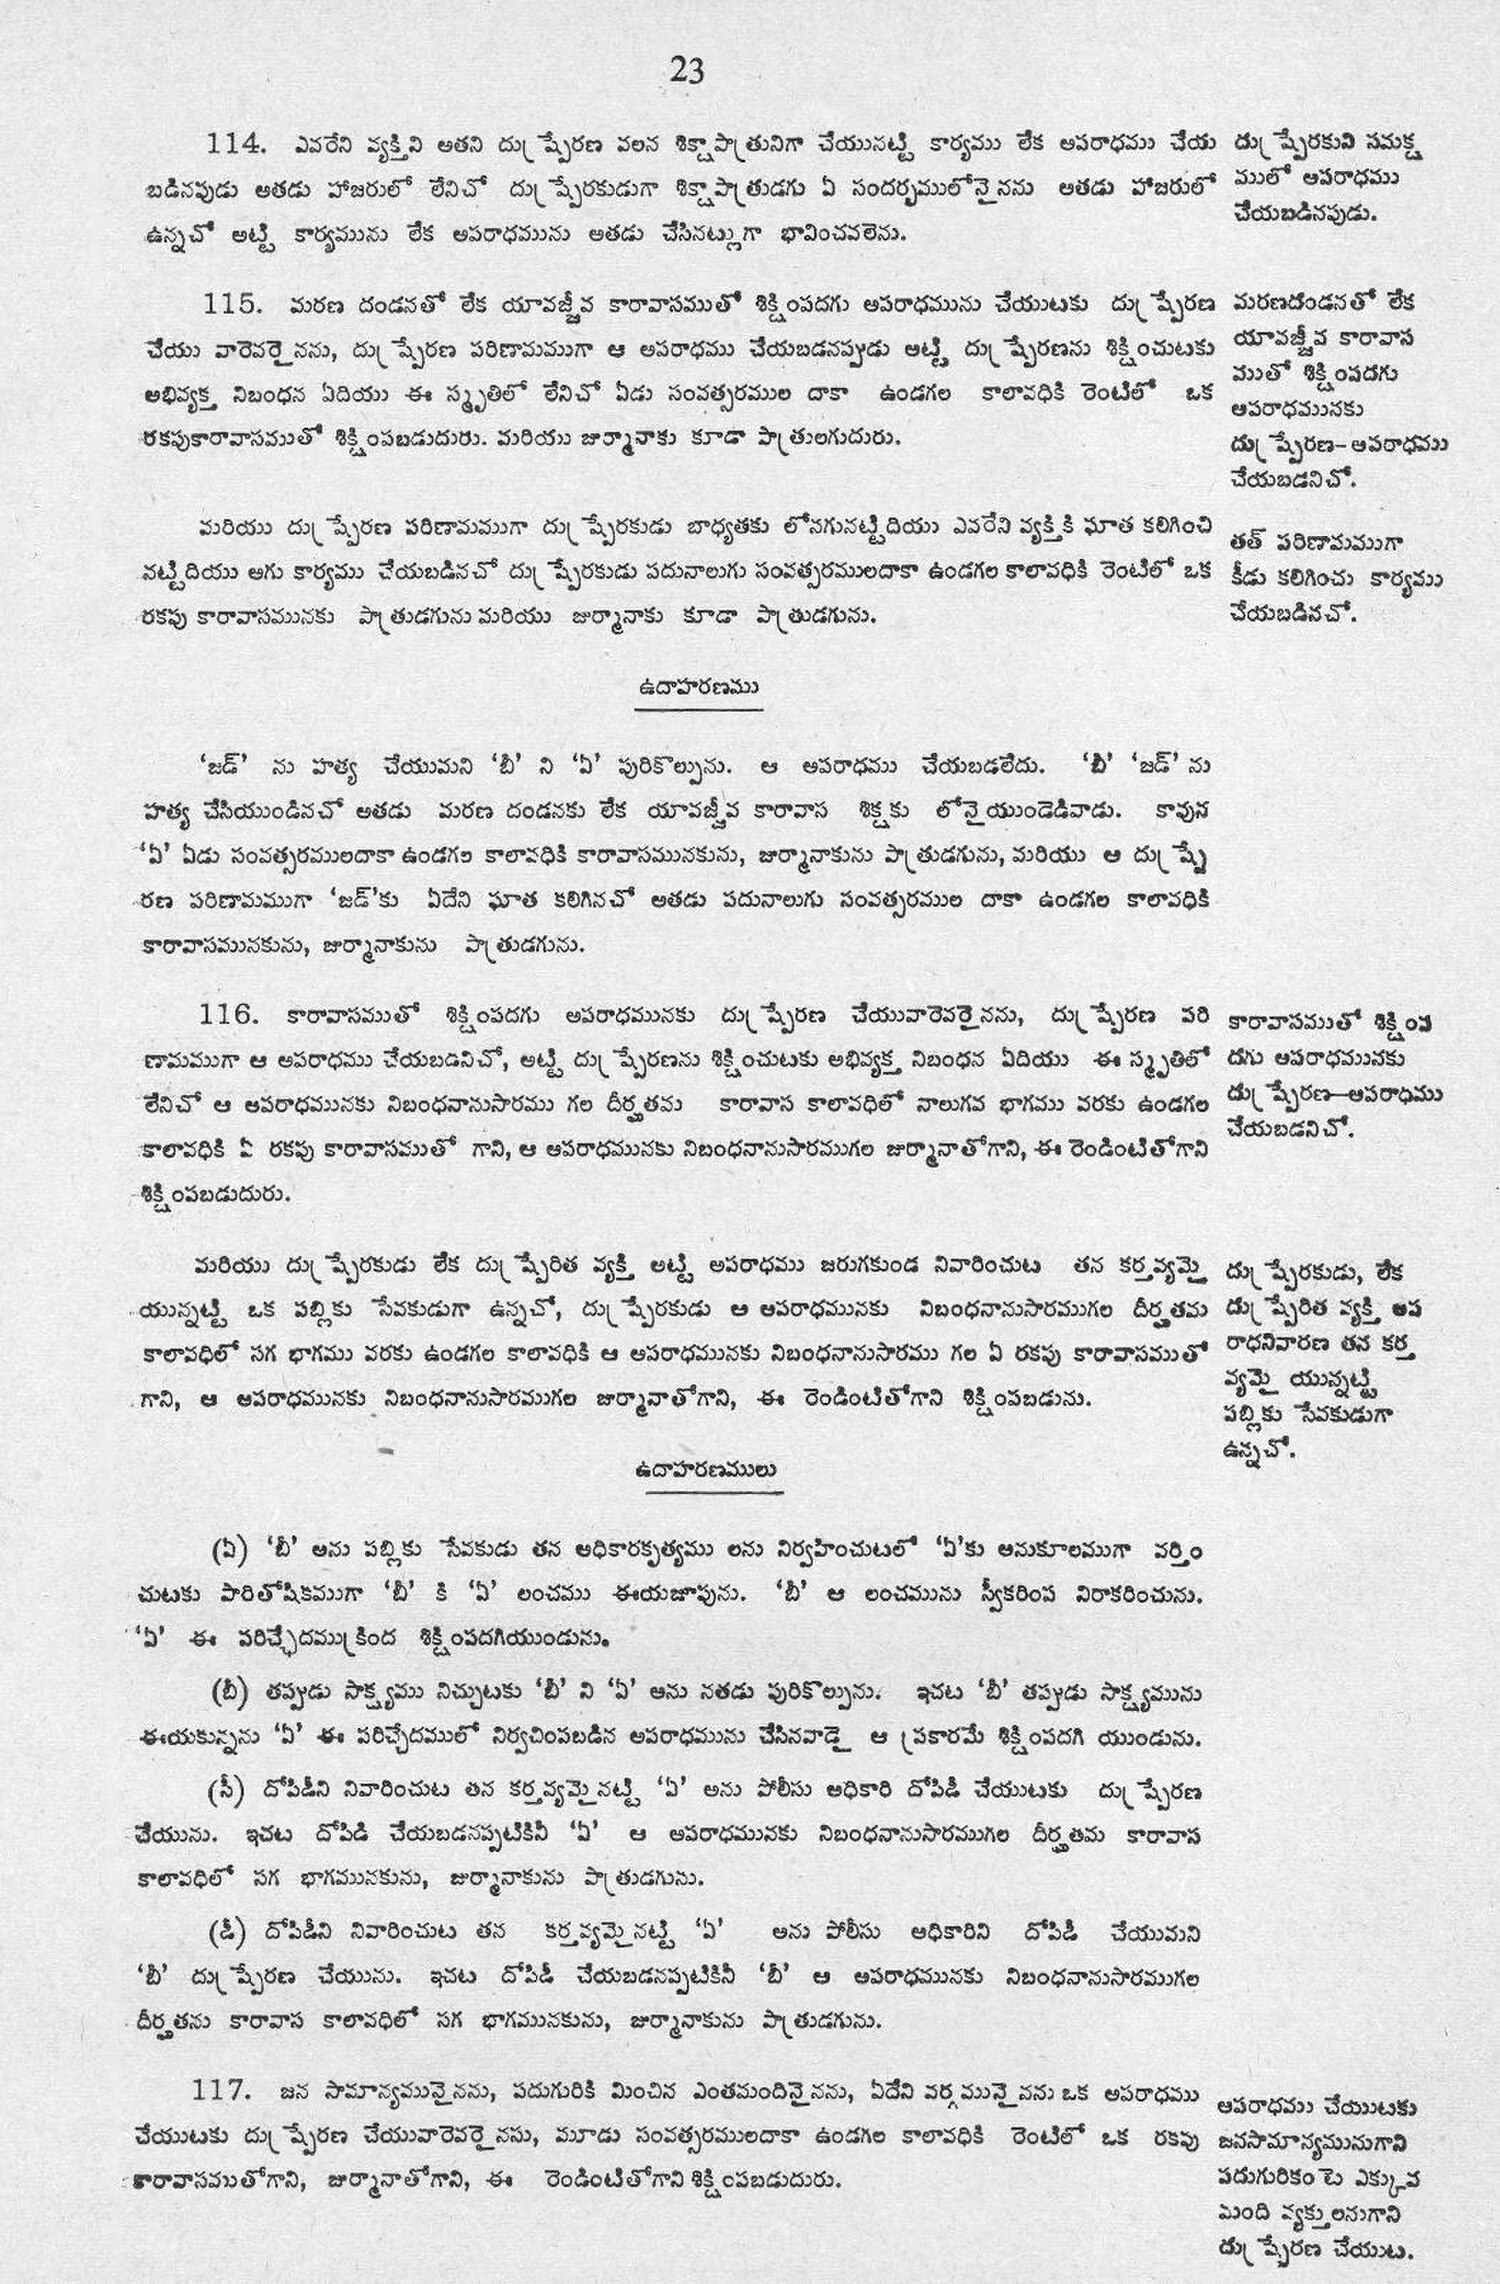దుష్ప్రేరకుని సమక్షములో అపరాధము చేయబడినపుడు.

114. ఎవరేని వ్యక్తిని అతని దుష్ప్రేరణ వలన శిక్షా పాత్రునిగా చేయునట్టి కార్యము లేక అపరాధము చేయబడినపుడు అతడు హాజరులో లేనిచో దుష్ప్రేరకుడుగా శిక్షా పాత్రుడగు ఏ సందర్భములోనైనను అతడు హాజరులో ఉన్నచో అట్టి కార్యమును లేక అపరాధమును అతడు చేసినట్లుగా భావించవలెను.

మరణదండనతో లేక యావజ్జీవ కారావాసముతో శిక్షింపదగు అపరాధమునకు దుష్ప్రేరణ- ఆపరాధముచేయబడనిచో.

115. మరణ దండనతో లేక యావజ్జీవ కారావాసముతో శిక్షింపదగు అపరాధమును చేయుటకు దుష్ప్రేరణ చేయు వారెవరైనను, దుష్ప్రేరణ పరిణామముగా ఆ అపరాధము చేయబడనప్పుడు అట్టి దుష్ప్రేరణను శిక్షించుటకు అభివ్యక్త నిబంధన ఏదియు ఈ స్మృతిలో లేనిచో ఏడు సంవత్సరముల దాకా ఉండగల కాలావధికి రెంటిలో ఒక
రకపుకారావాసముతో శిక్షింపబడుదురు. మరియు జూర్మానాకు కూడా పాత్రులగుదురు.

తత్ పరిణామముగా కీడు కలిగించు కార్యము చేయబడినచో.

మరియు దుష్ప్రేరణ పరిణామముగా దుష్ప్రేరకుడు బాధ్యతకు లోనగునట్టిదియు ఎవరేని వ్యక్తి కి ఘాత కలిగించి
నట్టిదియు అగు కార్యము చేయబడినచో దుష్ప్రేరకుడు పదునాలుగు సంవత్సరముల దాకా ఉండగల కాలావధికి రెంటిలో ఒక రకపు కారావాసమునకు పాత్రుడగును మరియు జుర్మానాకు కూడా పాత్రుడగును.

'జడ్' ను హత్య చేయుమని 'బీ' ని 'ఏ' పురికొల్పును. ఆ అపరాధము చేయబడలేదు. 'బి' 'జడ్'ను హత్య చేసియుండినచో అతడు మరణ దండనకు లేక యావజ్జీవ కారావాస శిక్షకు లోనై యుండెడివాడు. కావున 'ఏ' ఏడు సంవత్సరములదాకా ఉండగల కాలావధికి కారావాసమునకును, జుర్మానాకును పాత్రుడగును, మరియు ఆ దుష్ప్రేరణ పరిణామముగా 'జడ్'కు ఏదేని ఘాత కలిగినచో అతడు పదునాలుగు సంవత్సరముల దాకా ఉండగల కాలావధికి కారావాసమునకును, జుర్మానాకును పాత్రుడగును.

కారావాసముతో శిక్షింపదగు ఆపరాధమునకు దుష్ప్రేరణ- ఆపరాధముచేయబడనిచో.

116. కారావాసముతో శిక్షింపదగు అపరాధమునకు దుష్ప్రేరణ చేయువారెవరైనను, దుష్ప్రేరణ పరిణామముగా ఆ అపరాధము చేయబడనిచో, అట్టి దుష్ప్రేరణను శిక్షించుటకు అభివ్యక్త నిబంధన ఏదియు ఈ స్మృతిలో లేనిచో ఆ అపరాధమునకు నిబంధనానుసారము గల దీర్ఘ తను కారావాస కాలావధిలో నాలుగవ భాగము వరకు ఉండగల కాలావధికి ఏ రకపు కారావాసముతో గాని, ఆ ఆపరాధమునకు నిబంధనానుసారముగల జుర్మానాతోగాని, ఈ రెండింటితో గాని శిక్షింపబడుదురు.

దుష్ప్రేరకుడు, లేక దుష్ప్రేరిత వ్యక్తి అపరాధనివారణ తన కర్తవ్యమై యున్నట్టి పబ్లికు సేవకుడుగా ఉన్నచో.

మరియు దుష్ప్రేరకుడు లేక దుష్ప్రేరిత వ్యక్తి అట్టి అపరాధము జరుగకుండ నివారించుట తన కర్తవ్యమై యున్నట్టి ఒక పబ్లికు సేవకుడుగా ఉన్నచో, దుష్ప్రేరకుడు ఆ అపరాధమునకు నిబంధనానుసారముగల దీర్ఘ తమ కాలావధిలో సగ భాగము వరకు ఉండగల కాలావధికి ఆ అపరాధమునకు నిబంధనానుసారము గల ఏ రకపు కారావాసముతో గాని, ఆ అపరాధమునకు నిబంధనానుసారముగల జూర్మానాతోగాని, ఈ రెండింటితోగాని శిక్షింపబడును.

(ఏ) 'బీ' అను పబ్లికు సేవకుడు తన అధికారకృత్యము లను నిర్వహించుటలో 'ఏ'కు అనుకూలముగా వర్తించుటకు పారితోషికముగా 'బీ' కి 'ఏ' లంచము ఈయజూపును. 'బీ' ఆ లంచమును స్వీకరింప నిరాకరించును, 'ఏ' ఈ పరిచ్ఛేదము క్రింద శిక్షింపదగియుండును,

(బీ) తప్పుడు సాక్ష్యము నిచ్చుటకు 'బీ' ని 'ఏ' అను నతడు పురికొల్పును. ఇచట 'బీ' తప్పుడు సాక్ష్యమును
ఈయకున్నను 'ఏ' ఈ పరిచ్చేదములో నిర్వచింపబడిన అపరాధమును చేసినవాడై ఆ ప్రకారమే శిక్షింపదగి యుండును.

(సీ) దోపిడీని నివారించుట తన కర్తవ్యమైనట్టి 'ఏ' అను పోలీసు అధికారి దోపిడీ చేయుటకు దుష్ప్రేరణ చేయును. ఇచట దోపిడి చేయబడనప్పటికినీ 'ఏ' ఆ అపరాధమునకు నిబంధనానుసారముగల దీర్ఘ తమ కారావాస కాలావధిలో సగ భాగమునకును, జుర్మానాకును పాత్రుడగును.

(డీ) దోపిడీని నివారించుట తన కర్తవ్యమై నట్టి 'ఏ' అను పోలీసు అధికారిని దోపిడి చేయుమని 'బీ' దుష్ప్రేరణ చేయును. ఇచట దోపిడీ చేయబడనప్పటికినీ 'బీ' ఆ అపరాధమునకు నిబంధనానుసారముగల దీర్ఘ తను కారావాస కాలావధిలో సగ భాగమునకును, జుర్మానాకును పాత్రుడగును.

ఆపరాధము చేయుటకు జనసామాన్యమునుగాని పదుగురికంటె ఎక్కువ మంది వ్యక్తులనుగాని దుష్ప్రేరణ చేయుట.

117. జన సామాన్యమునైనను, పదుగురికి మించిన ఎంతమందినైనను, ఏదేని వర్గమునై నను ఒక అపరాధము 
చేయుటకు దుష్ప్రేరణ చేయువారెవరైనను, మూడు సంవత్సరములదాకా ఉండగల కాలావధికి రెంటిలో ఒక రకపు కారావాసముతోగాని, జుర్మానాతోగాని, ఈ రెండింటితోగాని శిక్షింపబడుదురు.